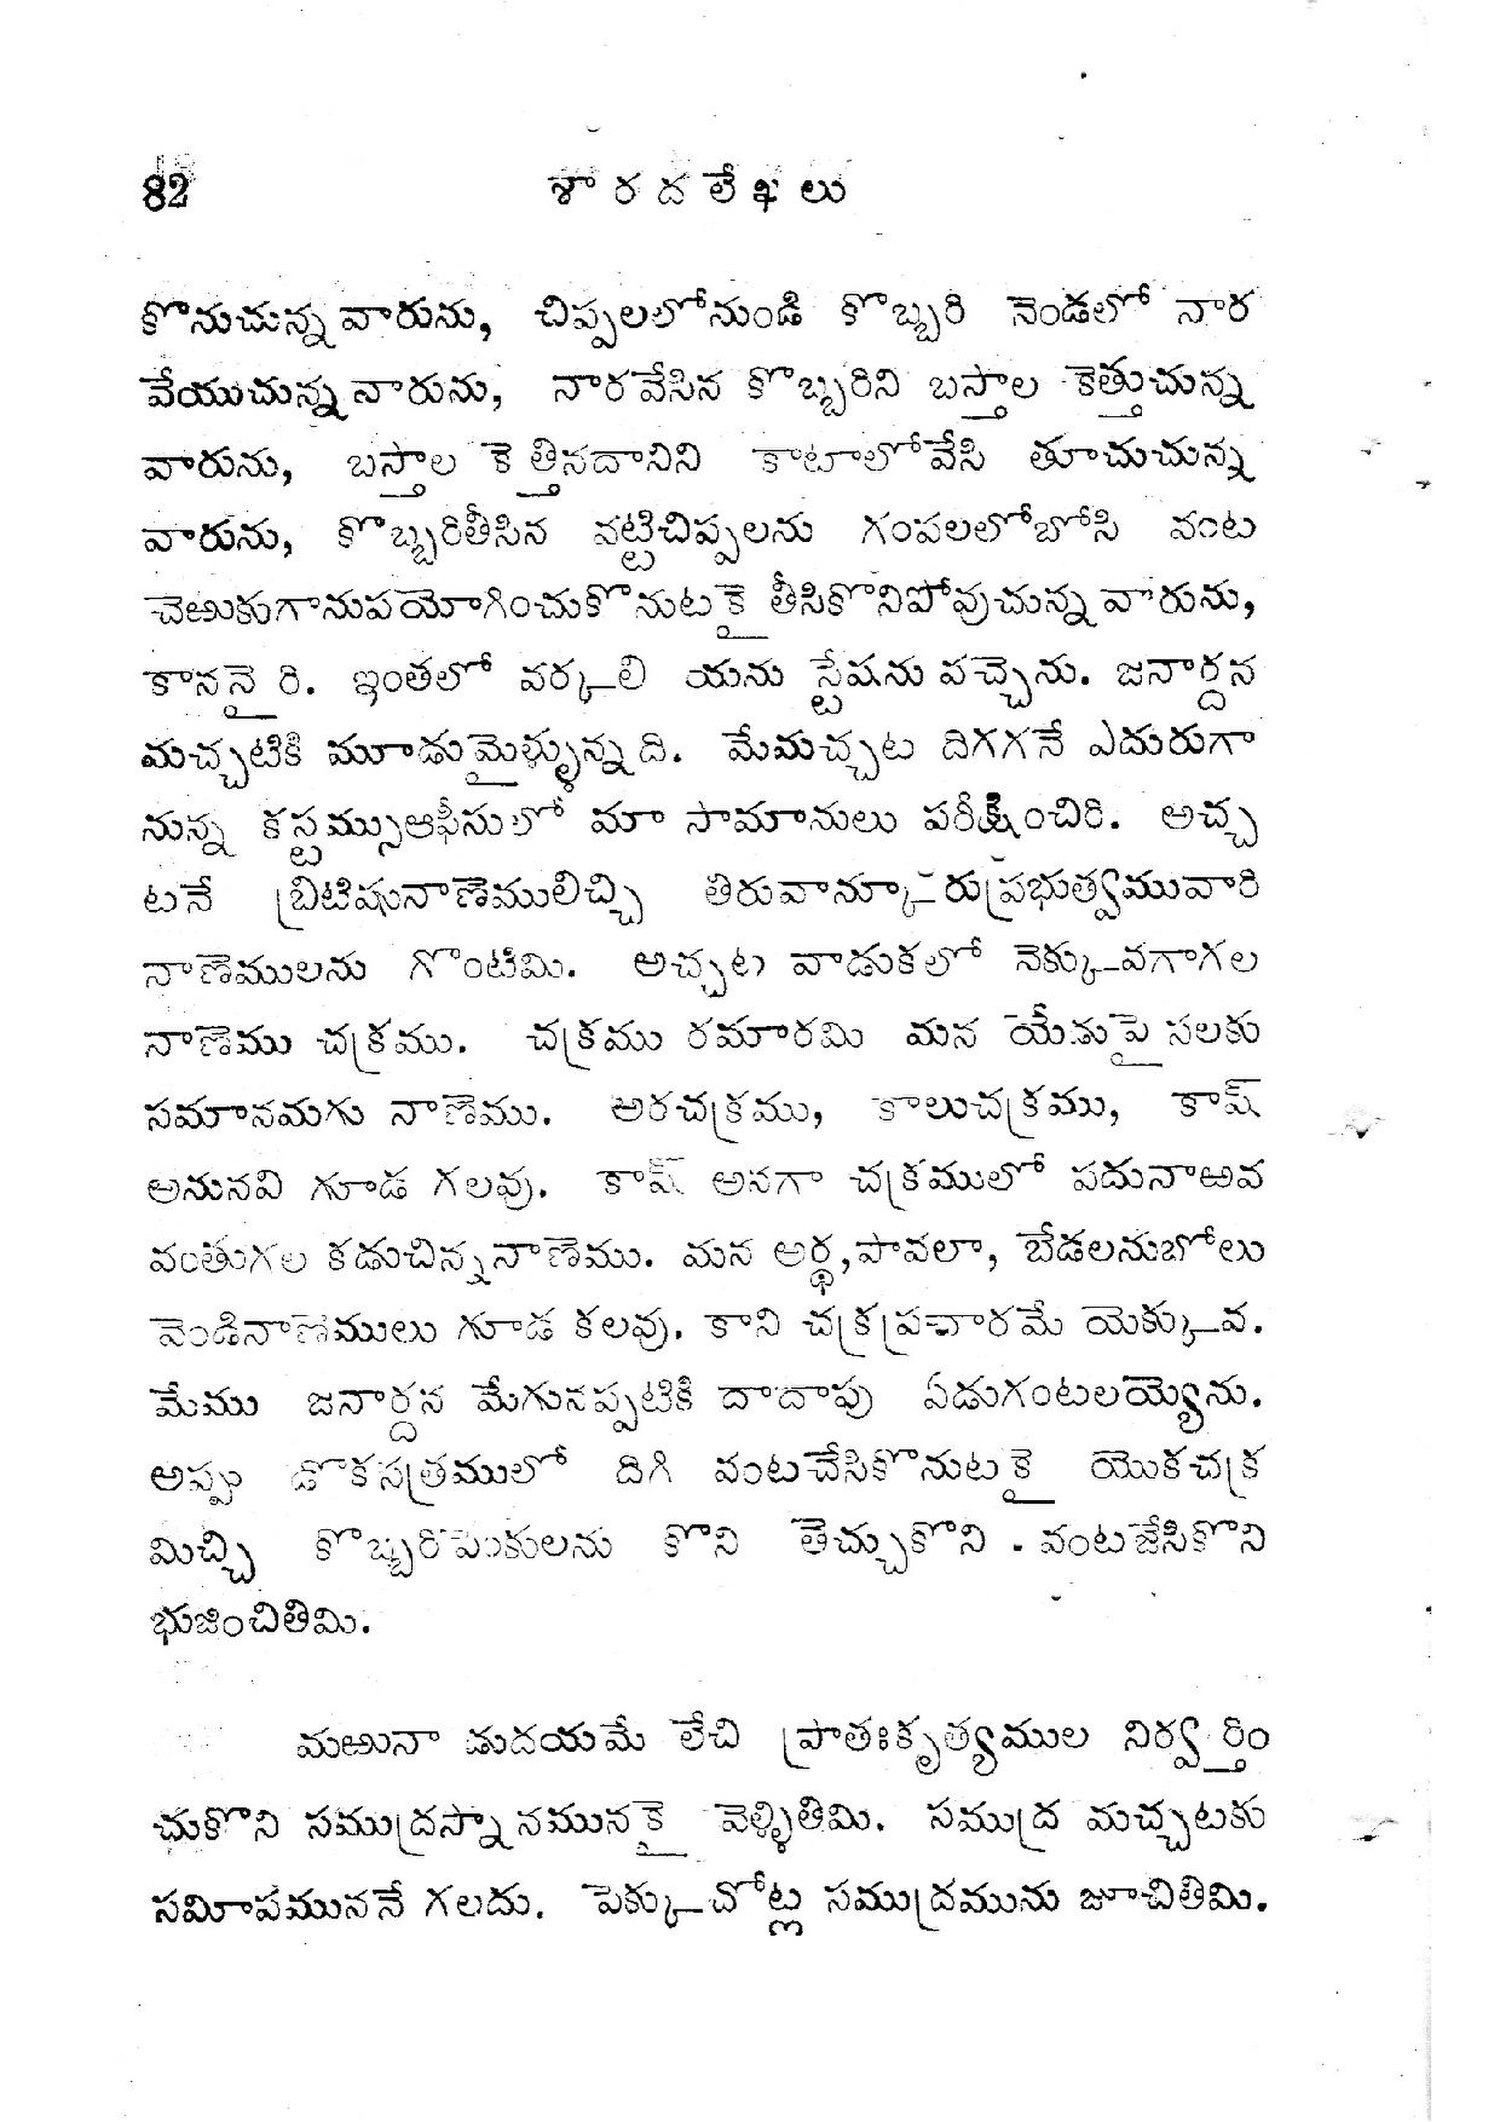కొనుచున్నవారును, చిప్పలలోనుండి కొబ్బరి నెండలో నారవేయుచున్నవారును, నారవేసిన కొబ్బరిని బస్తాల కెత్తుచున్నవారును, బస్తాల కెత్తినదానిని కాటాలోవేసి తూచుచున్నవారును, కొబ్బరితీసిన వట్టిచిప్పలను గంపలలోబోసి వంటచెఱుకుగానుపయోగించుకొనుటకై తీసికొనిపోవుచున్నవారును, కాననైరి. ఇంతలో వర్కలి యను స్టేషను వచ్చెను. జనార్దన మచ్చటికి మూడుమైళ్ళున్నది. మేమచ్చట దిగగనే ఎదురుగా నున్న కస్టమ్సుఆఫీసులో మా సామానులు పరీక్షించిరి. అచ్చటనే బ్రిటిషునాణెములిచ్చి తిరువాన్కూరు ప్రభుత్వమువారి నాణెములను గొంటిమి. అచ్చట వాడుకలో నెక్కువగాగల నాణెము చక్రము. చక్రము రమారమి మన యేడుపైసలకు సమానమగు నాణెము. అరచక్రము, కాలుచక్రము, కాష్‌ అనునవి గూడ గలవు. కాష్ అనగా చక్రములో పదునాఱవ వంతుగల కడుచిన్ననాణెము. మన అర్థ, పావలా, బేడలనుబోలు వెండినాణెములు గూడ కలవు. కాని చక్రప్రచారమే యెక్కువ. మేము జనార్దన మేగునప్పటికి దాదాపు ఏడుగంటలయ్యెను. అప్పు డొక సత్రములో దిగి వంటచేసికొనుటకై యొకచక్రమిచ్చి కొబ్బరిపెంకులను కొని తెచ్చుకొని వంటజేసికొని భుజించితిమి.

మఱునా డుదయమే లేచి ప్రాతఃకృత్యములు నిర్వర్తించుకొని సముద్రస్నానమునకై వెళ్ళితిమి. సముద్ర మచ్చటకు సమీపముననే గలదు. పెక్కుచోట్ల సముద్రమును జూచితిమి.